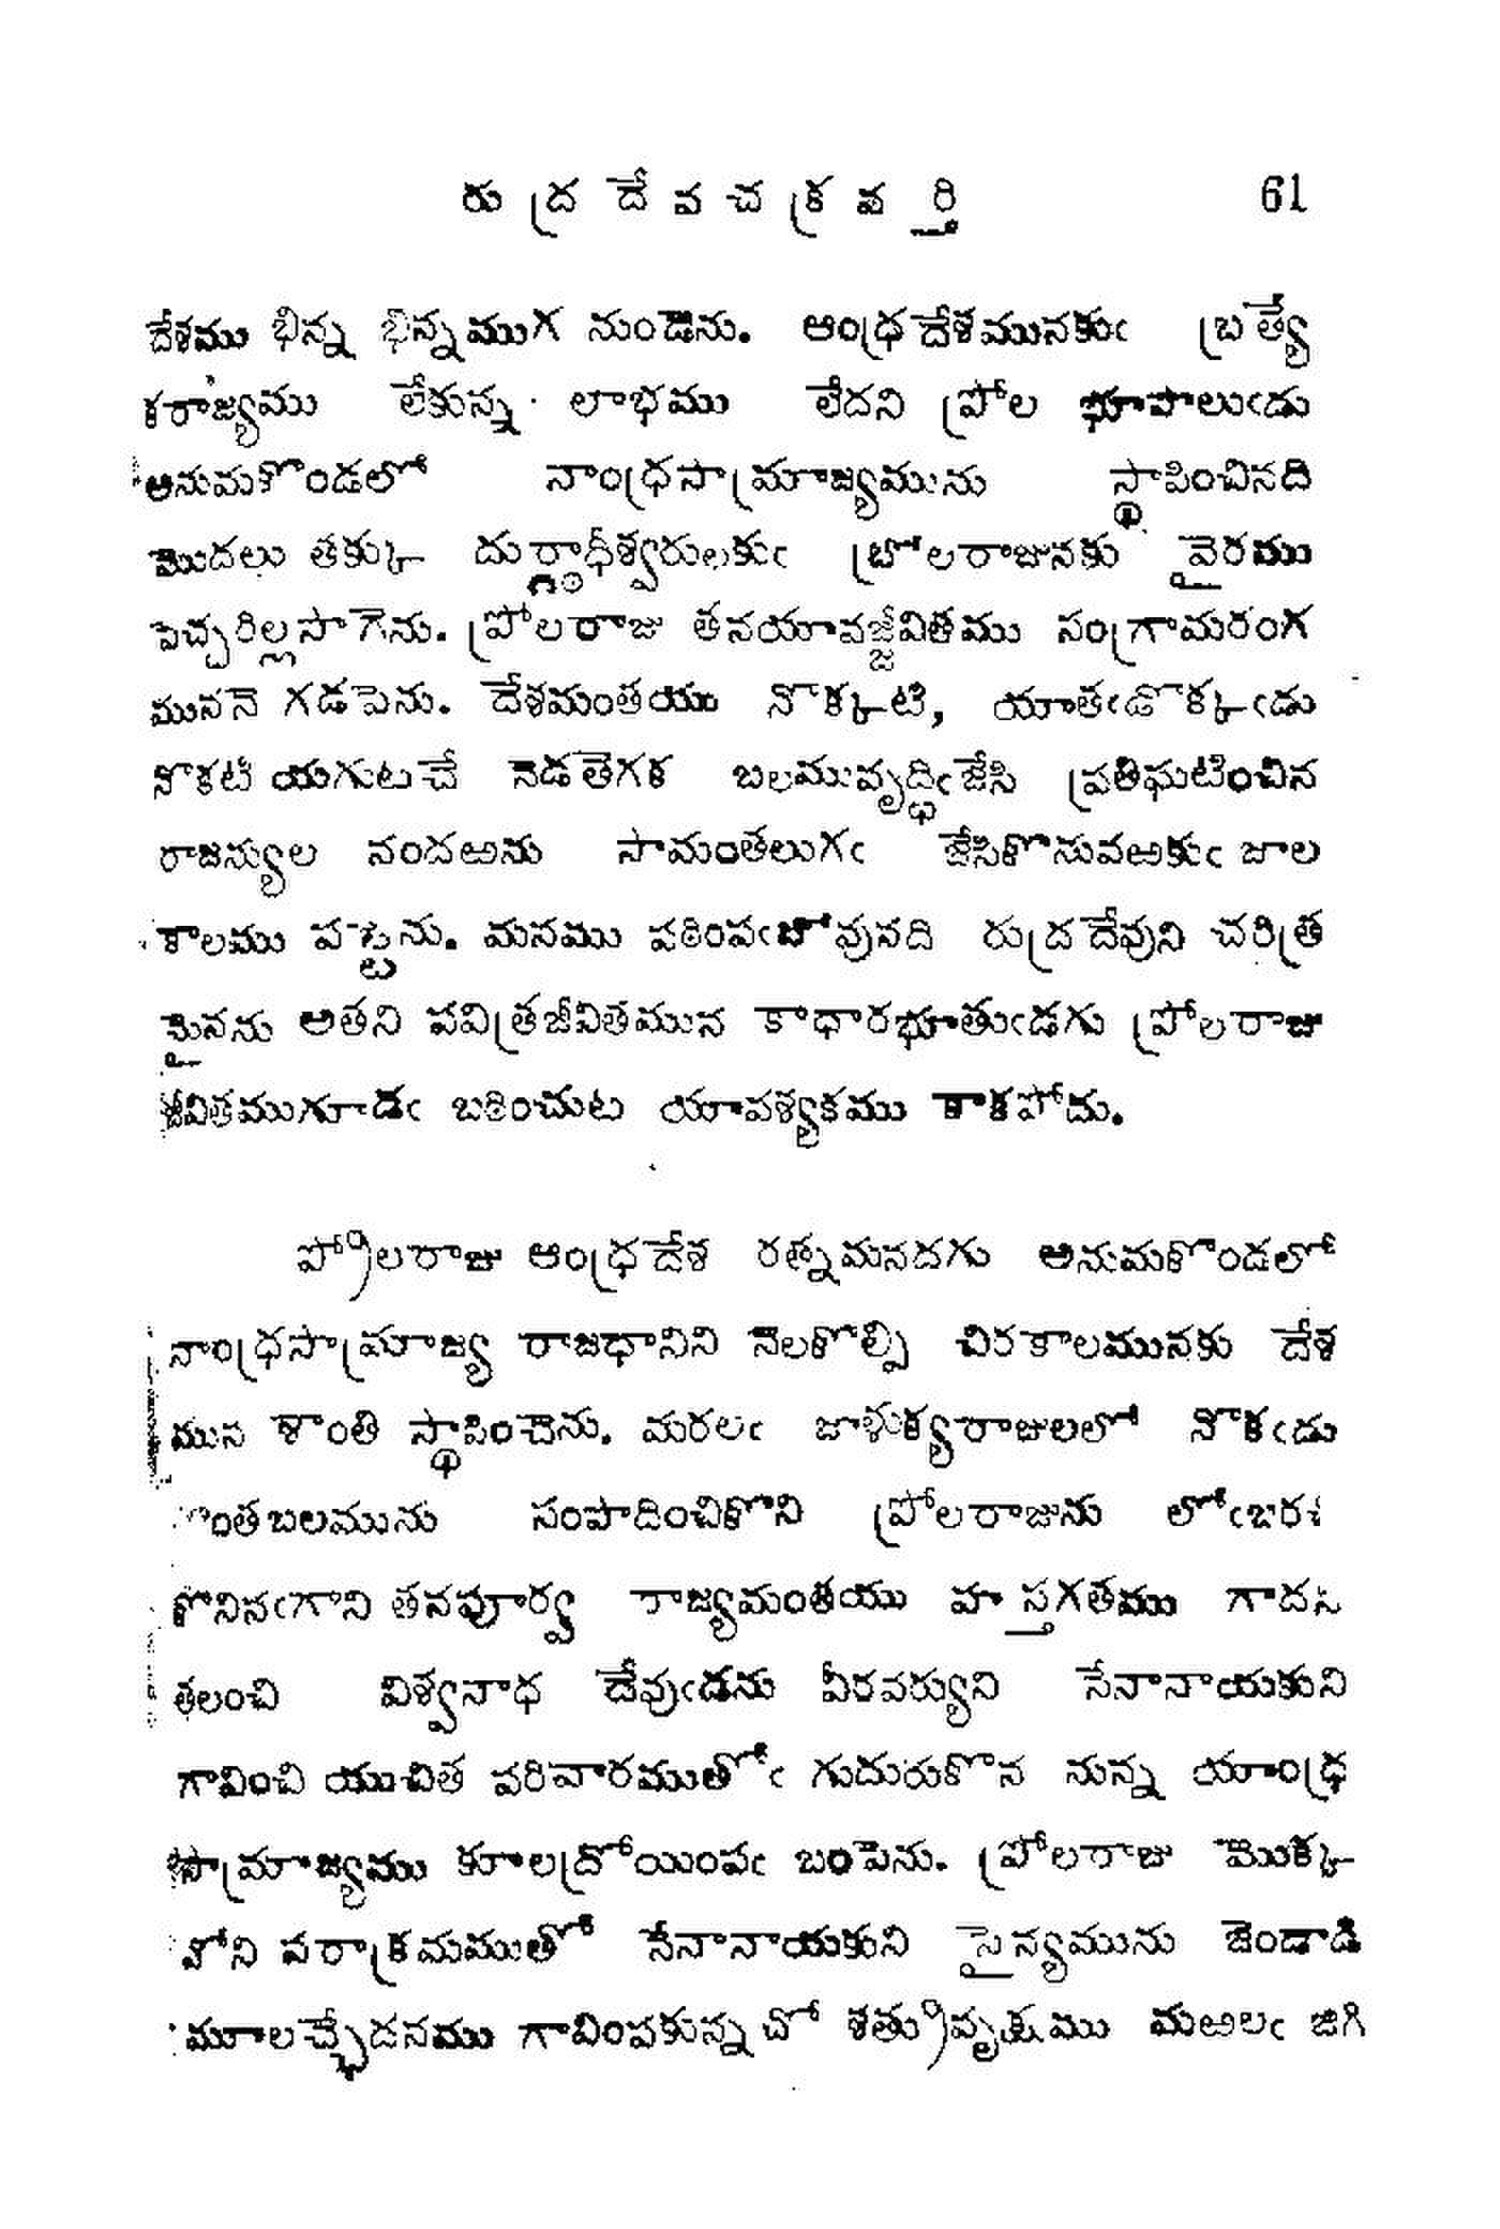దేశము భిన్న భిన్నముగ నుండెను. ఆంధ్రదేశమునకు బ్రత్యేకరాజ్యము లేకున్న లాభము లేదని ప్రోల భూపాలుడు అనుమకొండలో నాంధ్రసామ్రాజ్యమును స్థాపించినది మొదలు తక్కు దుర్గాధీశ్వరులకు బ్రోలరాజునకు వైరము పెచ్చరిల్లసాగెను. ప్రోలరాజు తనయావజ్జీవితము సంగ్రామరంగముననె గడపెను. దేశమంతయు నొక్కటి, యాతడొక్కడు నొకటి యగుటచే నెడతెగక బలమువృద్ధిజేసి ప్రతిఘటించిన రాజన్యుల నందఱను సామంతులుగ జేసికొనువఱకు జాలకాలము పట్టెను. మనము పఠింపబోవునది రుద్రదేవుని చరిత్రమైనను అతని పవిత్రజీవితమున కాధారభూతుడగు ప్రోలరాజు జీవితముగూడ బఠించుట యావశ్యకము కాకపోదు.

ప్రోలరాజు ఆంధ్రదేశ రత్నమనదగు అనుమకొండలో నాంధ్రసామ్రాజ్య రాజధానిని నెలకొల్పి చిరకాలమునకు దేశమున శాంతి స్థాపించెను. మరల జాళుక్యరాజులలో నొకడు కొంతబలమును సంపాదించికొని ప్రోలరాజును లోబరచికొనినగాని తనపూర్వ రాజ్యమంతయు హస్తగతము గాదని తలంచి విశ్వనాధ దేవుడను వీరవర్యుని సేనానాయకుని గావించి యుచిత పరివారముతో గుదురుకొన నున్న యాంధ్రసామ్రాజ్యము కూలద్రోయింప బంపెను. ప్రోలరాజు మొక్కవోని పరాక్రమముతో సేనానాయకుని సైన్యమును జెండాడి మూలచ్ఛేదనము గావింపకున్నచో శత్రువృక్షము మఱల జిగి